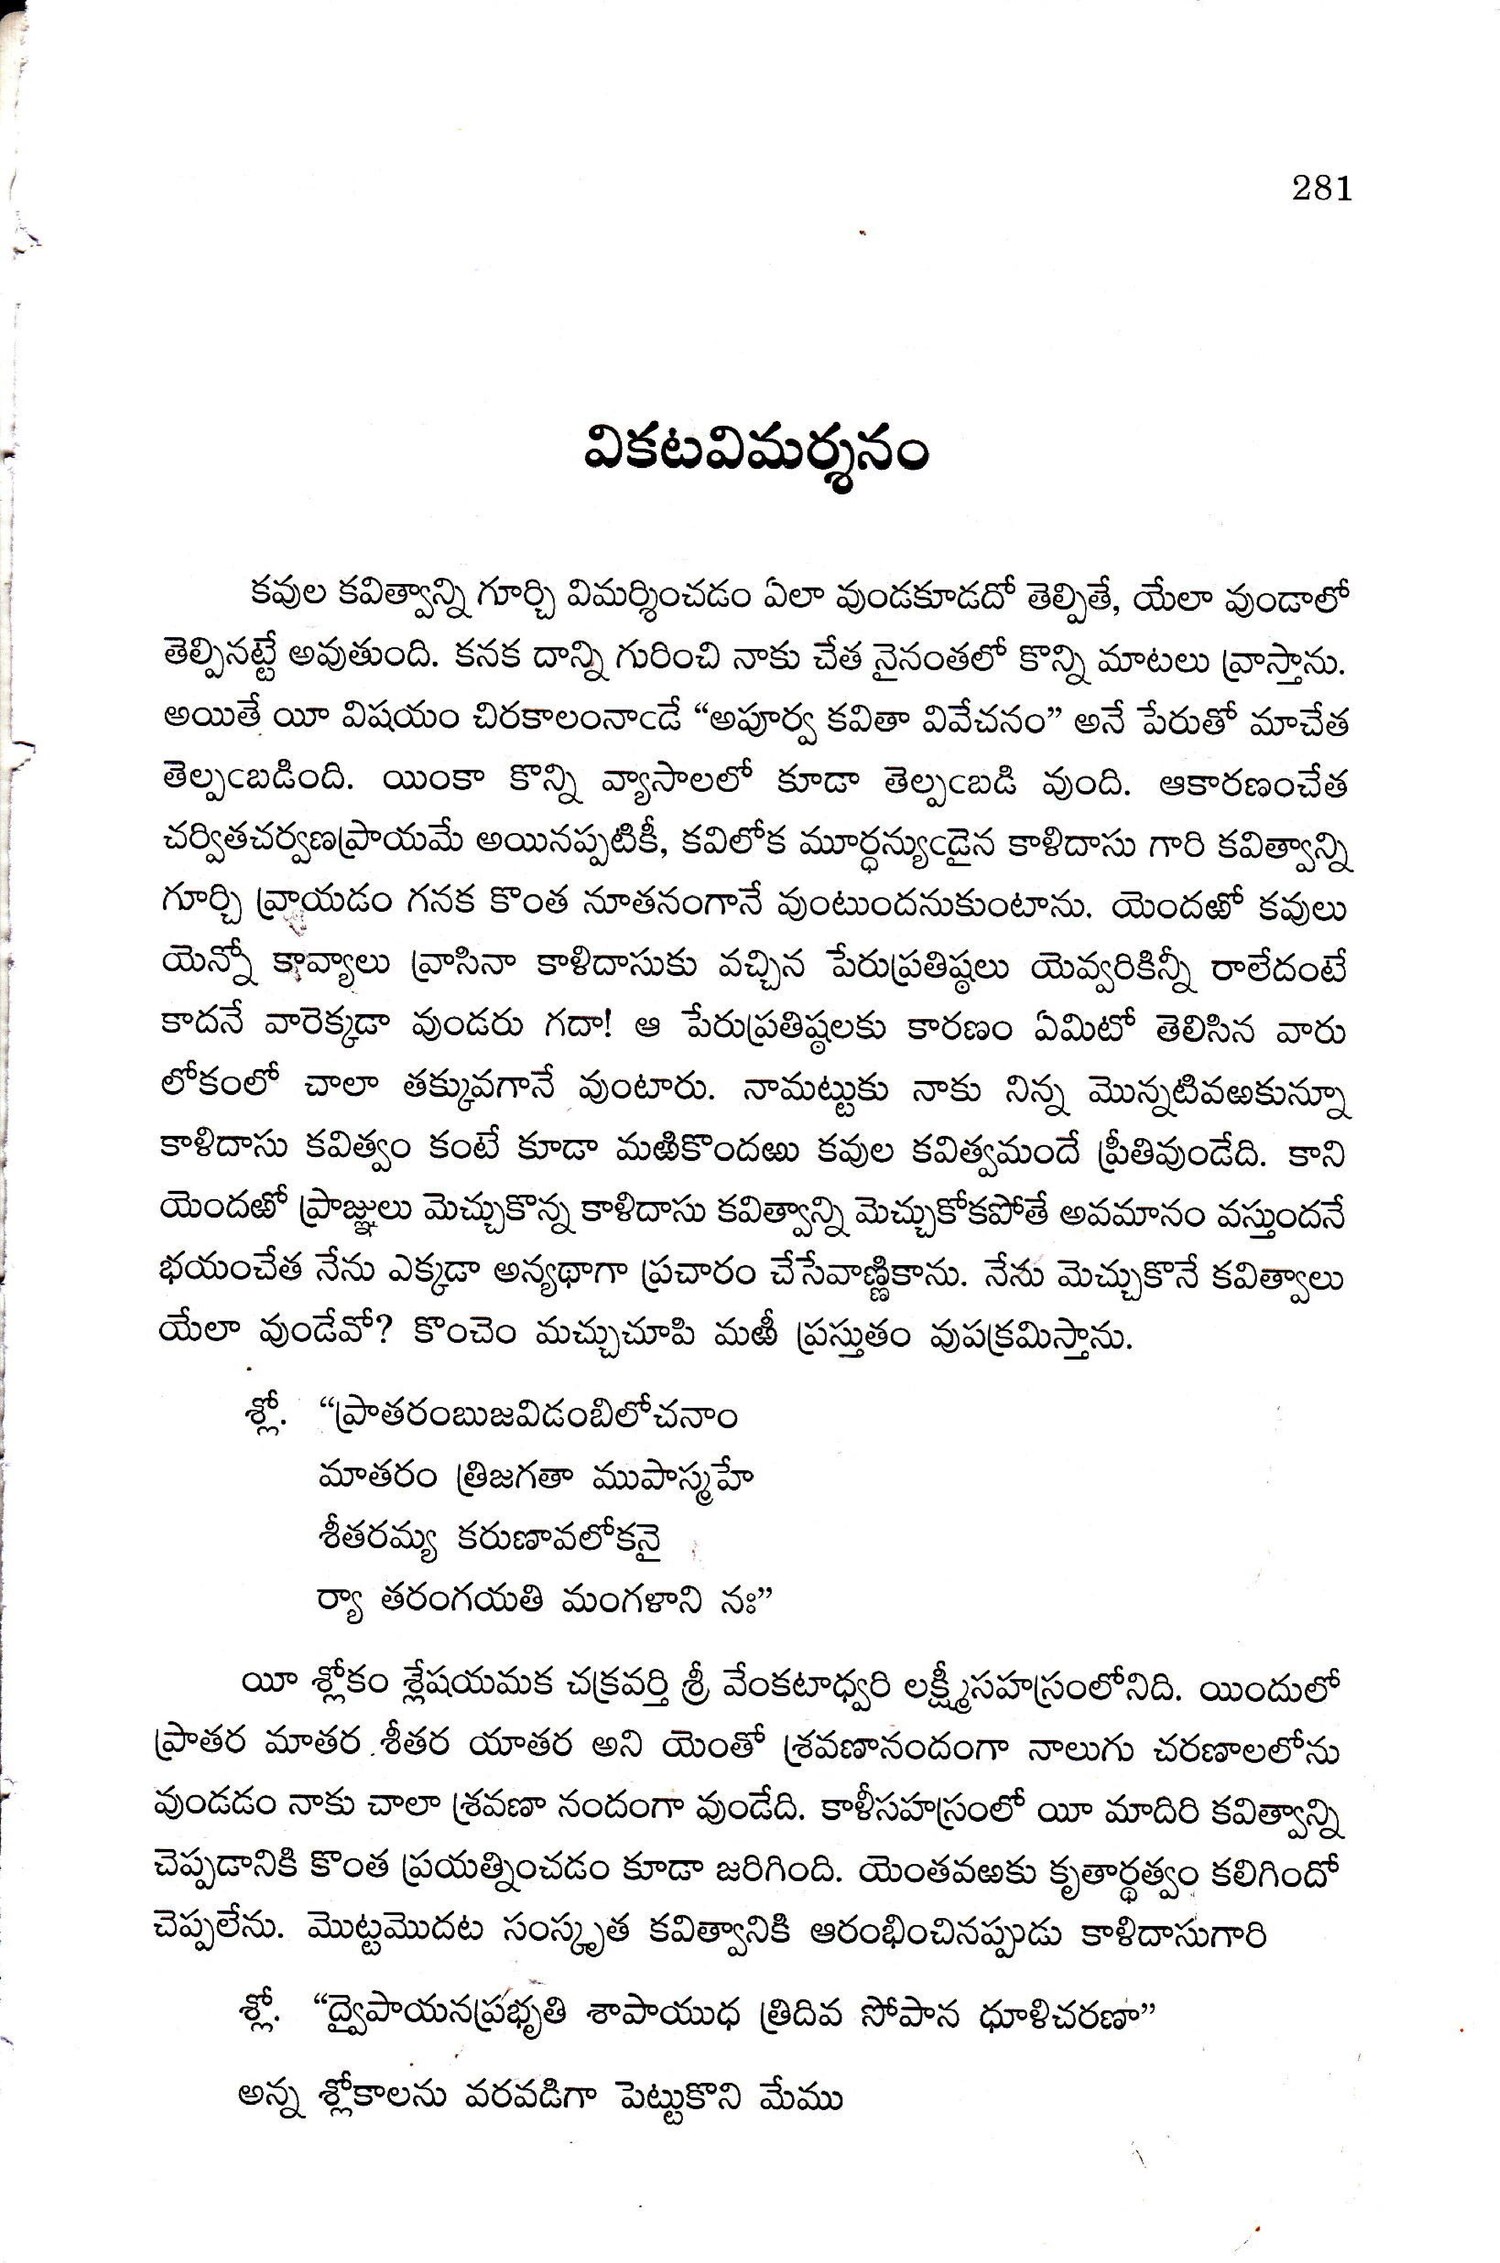వికటవిమర్శనం

కవుల కవిత్వాన్ని గూర్చి విమర్శించడం ఏలా వుండకూడదో తెల్పితే, యేలా వుండాలో తెల్పినట్టే అవుతుంది. కనక దాన్ని గురించి నాకు చేతనైనంతలో కొన్ని మాటలు వ్రాస్తాను. అయితే యీ విషయం చిరకాలంనాఁడే “అపూర్వ కవితా వివేచనం” అనే పేరుతో మాచేత తెల్పఁబడింది. యింకా కొన్ని వ్యాసాలలో కూడా తెల్పఁబడి వుంది. ఆకారణంచేత చర్వితచర్వణప్రాయమే అయినప్పటికీ, కవిలోక మూర్ధన్యుఁడైన కాళిదాసు గారి కవిత్వాన్ని గూర్చి వ్రాయడం గనక కొంత నూతనంగానే వుంటుందనుకుంటాను. యెందఱో కవులు యెన్నో కావ్యాలు వ్రాసినా కాళిదాసుకు వచ్చిన పేరుప్రతిష్ఠలు యెవ్వరికిన్నీ రాలేదంటే కాదనే వారెక్కడా వుండరు గదా! ఆ పేరుప్రతిష్ఠలకు కారణం ఏమిటో తెలిసిన వారు లోకంలో చాలా తక్కువగానే వుంటారు. నామట్టుకు నాకు నిన్న మొన్నటివఱకున్నూ కాళిదాసు కవిత్వం కంటే కూడా మణికొందఱు కవుల కవిత్వమందే ప్రీతివుండేది. కాని యెందఱో ప్రాజ్ఞులు మెచ్చుకొన్న కాళిదాసు కవిత్వాన్ని మెచ్చుకోకపోతే అవమానం వస్తుందనే భయంచేత నేను ఎక్కడా అన్యథాగా ప్రచారం చేసేవాణ్ణికాను. నేను మెచ్చుకొనే కవిత్వాలు యేలా వుండేవో? కొంచెం మచ్చుచూపి మఱీ ప్రస్తుతం వుపక్రమిస్తాను.

శ్లో. “ప్రాతరంబుజవిడంబిలోచనాం
 మాతరం త్రిజగతా ముపాస్మహే 
 శీతరమ్య కరుణావలోకనై 
 ర్యా తరంగయతి మంగళాని నః"
యీ శ్లోకం శ్లేషయమక చక్రవర్తి శ్రీ వేంకటాధ్వరి లక్ష్మీసహస్రంలోనిది. యిందులో ప్రాతర మాతర శీతర యాతర అని యెంతో శ్రవణానందంగా నాలుగు చరణాలలోను వుండడం నాకు చాలా శ్రవణా నందంగా వుండేది. కాళీసహస్రంలో యీ మాదిరి కవిత్వాన్ని చెప్పడానికి కొంత ప్రయత్నించడం కూడా జరిగింది. యెంతవఱకు కృతార్థత్వం కలిగిందో చెప్పలేను. మొట్టమొదట సంస్కృత కవిత్వానికి ఆరంభించినప్పుడు కాళిదాసుగారి

శ్లో. "ద్వైపాయనప్రభృతి శాపాయుధ త్రిదివ సోపాన ధూళిచరణా" 
అన్న శ్లోకాలను వరవడిగా పెట్టుకొని మేము